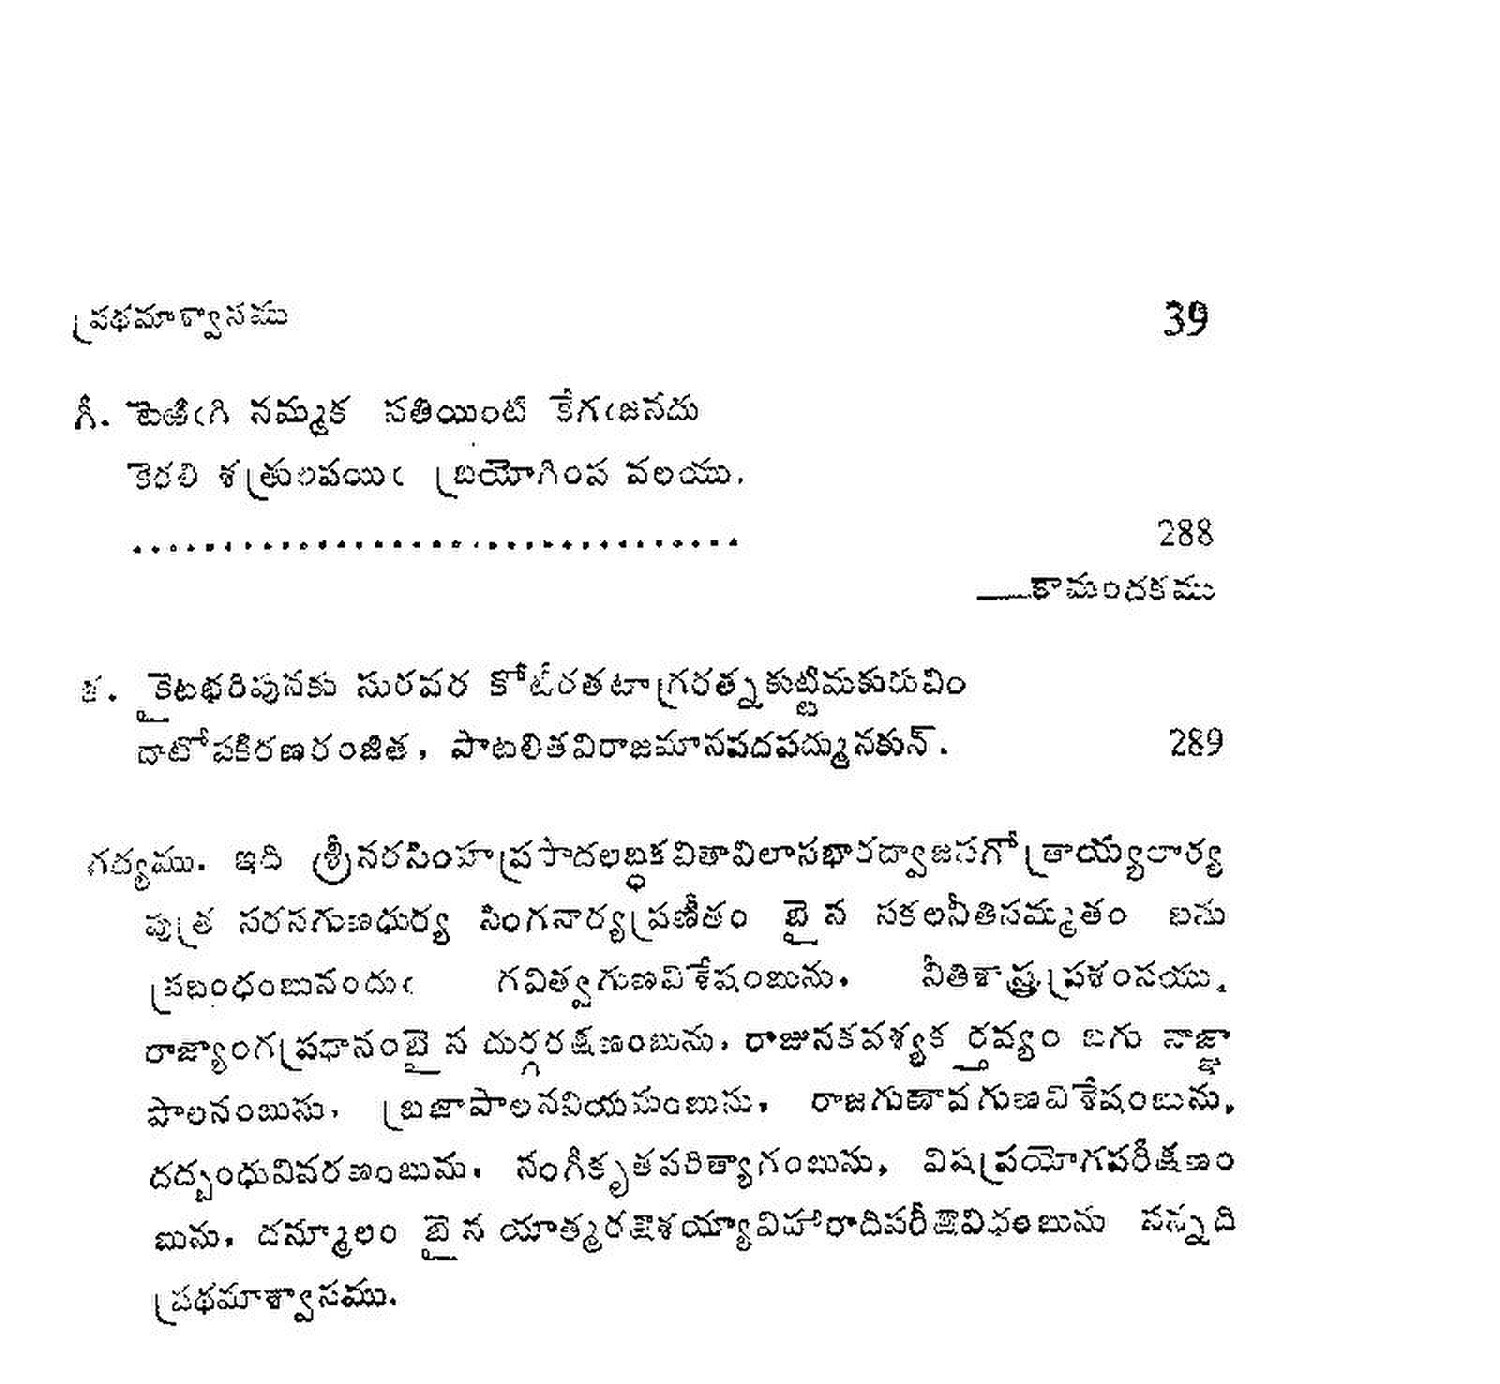గీ. టెఱిఁగి నమ్మక సతియింటి కేగఁజనదు
కెరలి శత్రులపయిఁ బ్రయోగింపవలయు
.................................
.................................. 288

క. కైటభరిపునకు సురవర
కోటీరతటాగ్రరత్నకుట్టిమకురువిం
దాటోపకిరణరంజిత
పాటలితవిరాజమానపదపద్మునకున్. 289

గద్యము. ఇది శ్రీనరసింహప్రసాదలబ్ధకవితావిలాసభారద్వాజసగోత్రాయ్యలార్యపుత్ర సరసగుణధుర్య సింగనార్యప్రణీతం బైన సకలనీతిసమ్మతం బను ప్రబంధంబునందుఁ గవిత్వగుణవిశేషంబును, నీతిశాస్త్రప్రశంసయు, రాజ్యాంగప్రధానంబైన దుర్గరక్షణంబును, రాజునకవశ్యకర్తవ్యం బగు నాజ్ఞాపాలనంబును, బ్రజాపాలన నియమంబును, రాజగుణావగుణవిశేషంబును, దద్బంధువివరణంబును, నంగీకృతపరిత్యాగంబును, విషప్రయోగపరీక్షణంబును, దన్మూలం బైన యాత్మరక్షాశయ్యావిహారాది పరీక్షావిధంబును నన్నది ప్రథమాశ్వాసము.